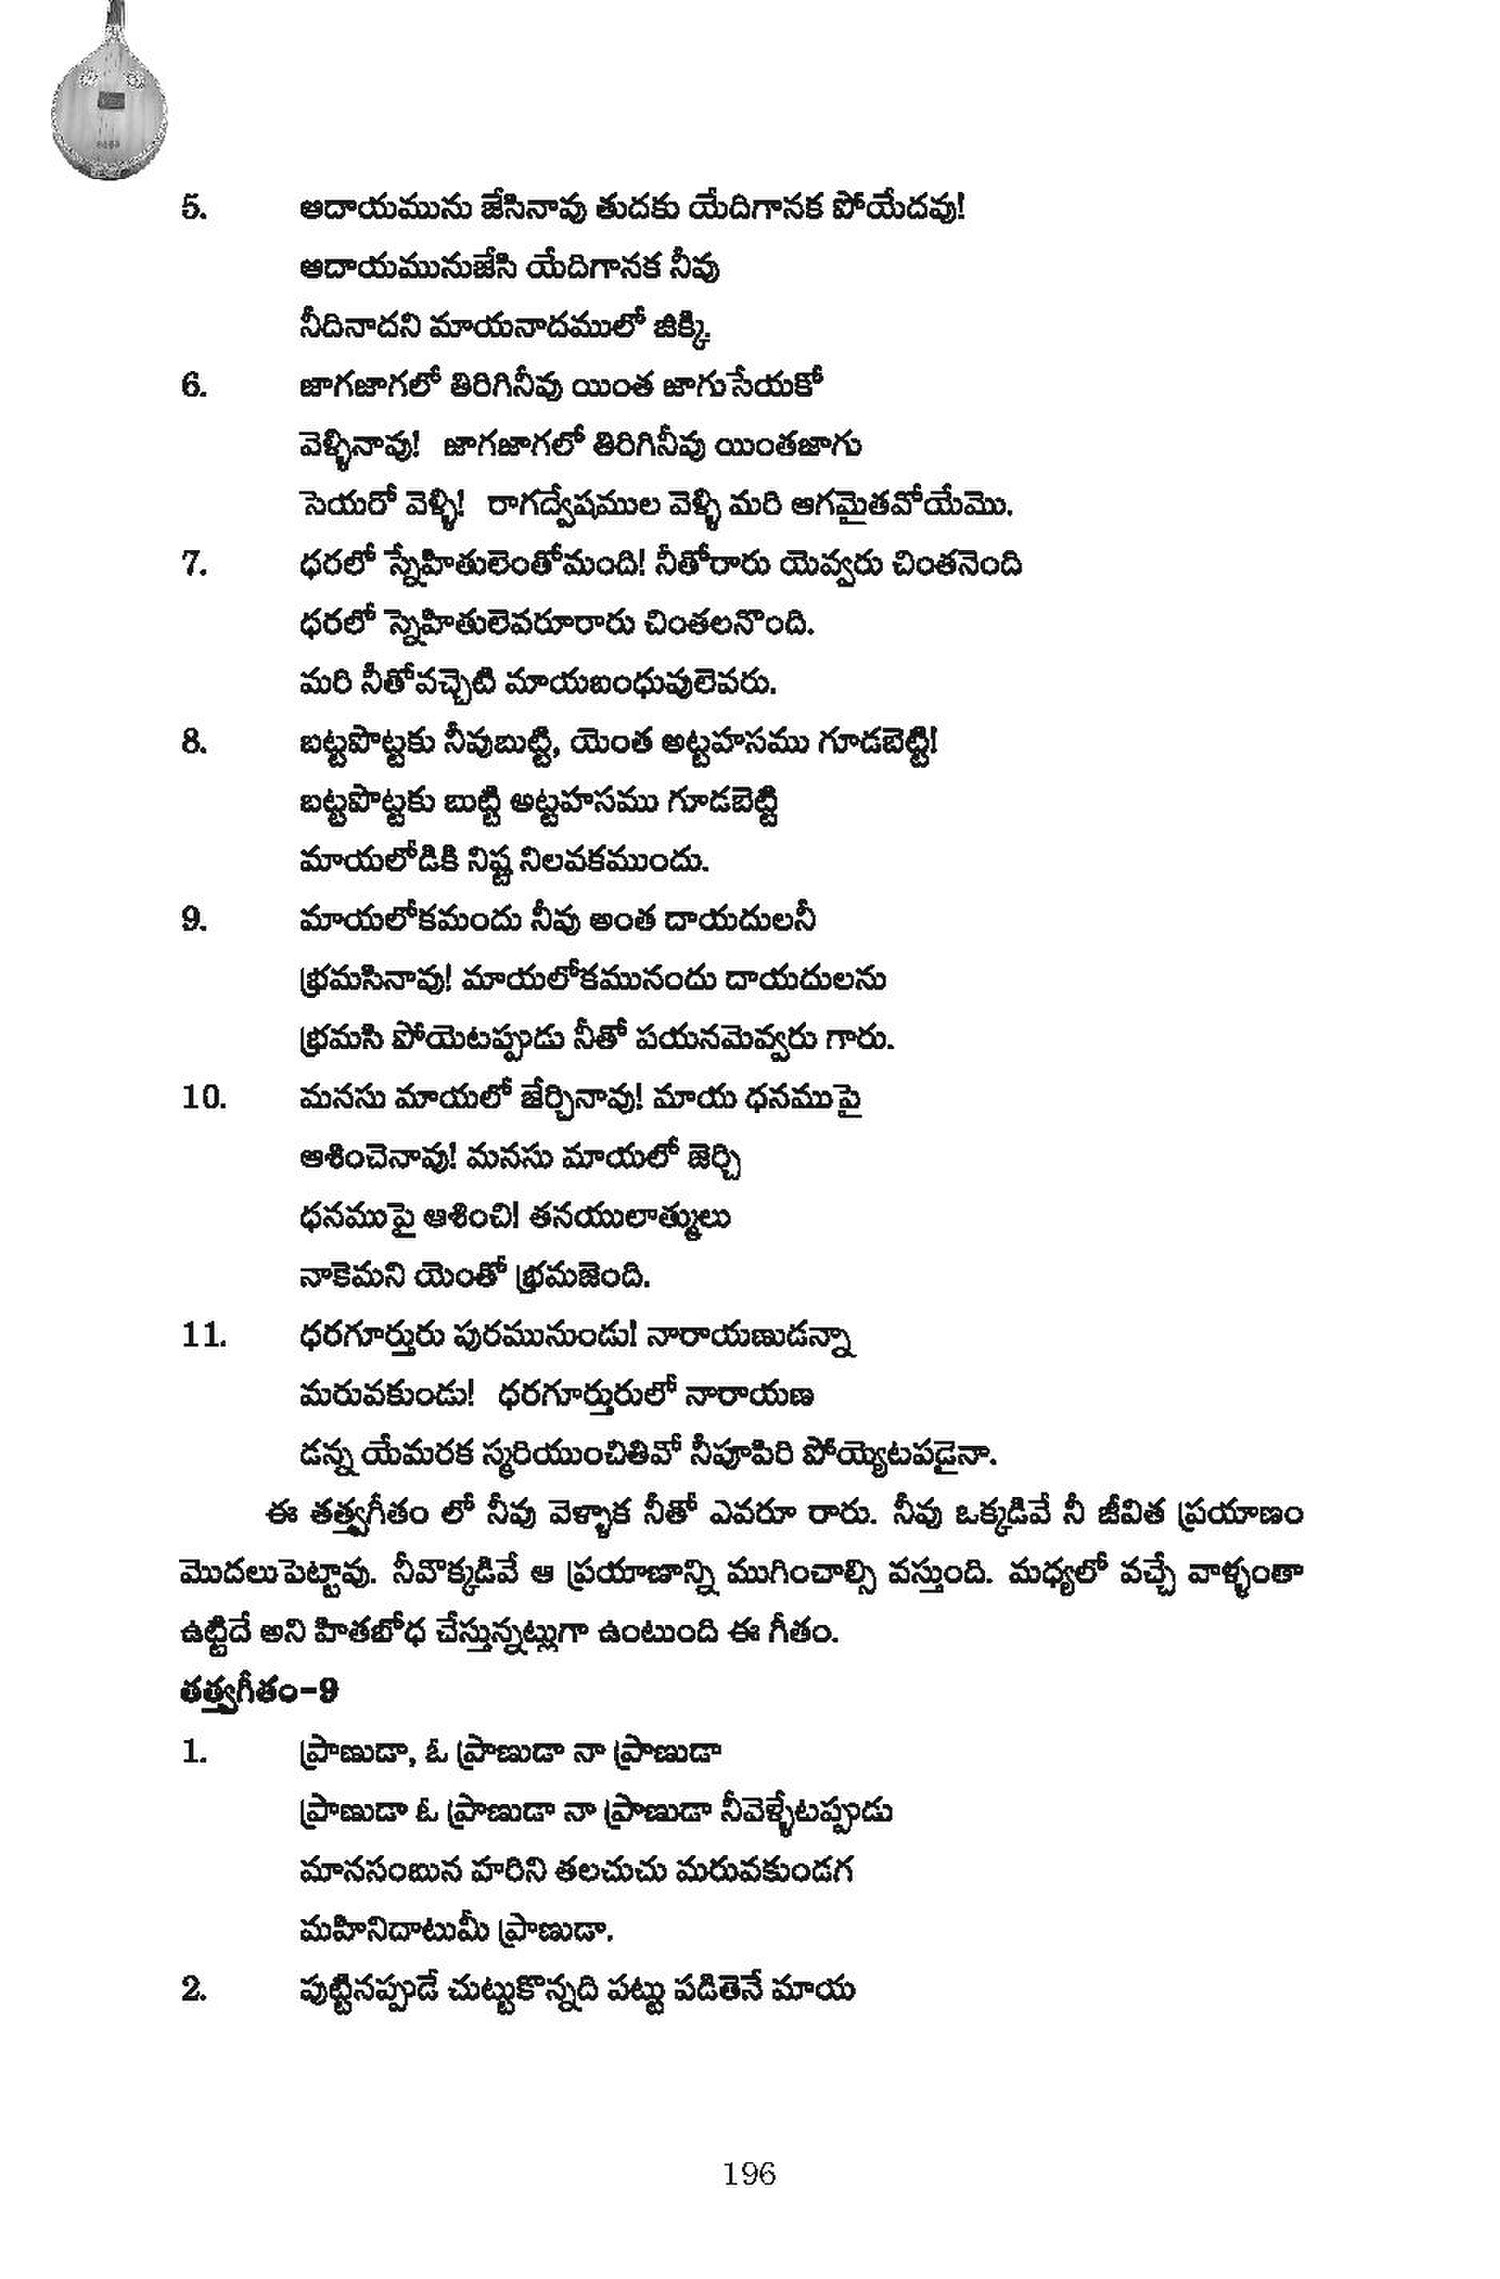5. ఆదాయమును జేసినావు తుదకు యేదిగానక పోయేదవు!
ఆదాయమునుజేసి యేదిగానక నీవు
నీదినాదని మాయనాదములో జిక్కి,

6. జాగజాగలో తిరిగినీవు యింత జాగు సేయకో
వెళ్ళినావు! జాగజాగలో తిరిగినీవు యింతజాగు
సెయరో వెళ్ళి! రాగద్వేషముల వెళ్ళి మరి ఆగమైతవోయేమొ.

7. ధరలో స్నేహితులెంతోమంది! నీతోరారు యెవ్వరు చింతనెంది
ధరలో స్నేహితులెవరూరారు చింతలనొంది.
మరి నీతోవచ్చెటి మాయబంధువులెవరు.

8. బట్టపొట్టకు నీవుబుట్టి, యెంత అట్టహసము గూడబెట్టి!
బట్టపొట్టకు బుట్టి అట్టహసము గూడబెట్టి
మాయలోడికి నిష్ట నిలవకముందు.

9.మాయలోకమందు నీవు అంత దాయదులనీ
భ్రమసినావు! మాయలోకమునందు దాయదులను
భ్రమసి పోయెటప్పుడు నీతో పయనమెవ్వరు గారు.

10. మనసు మాయలో జేర్చినావు! మాయ ధనముపై
ఆశించెనావు! మనసు మాయలో జెర్చి
ధనముపై ఆశించి! తనయులాత్ములు
నాకెమని యెంతో భ్రమజెంది.

11. ధరగూర్తురు పురమునుండు! నారాయణుడన్నా
మరువకుండు! ధరగూర్తురులో నారాయణ
డన్న యేమరక స్మరియుంచితివో నీపూపిరి పోయ్యెటపడైనా,

ఈ తత్త్వగీతం లో నీవు వెళ్ళాక నీతో ఎవరూ రారు. నీవు ఒక్కడివే నీ జీవిత ప్రయాణం మొదలుపెట్టావు. నీవొక్కడివే ఆ ప్రయాణాన్ని ముగించాల్సి వస్తుంది. మధ్యలో వచ్చే వాళ్ళంతా ఉట్టిదే అని హితబోధ చేస్తున్నట్లుగా ఉంటుంది ఈ గీతం.

తత్త్వగీతం-9

1. ప్రాణుడా, ఓ ప్రాణుడా నా ప్రాణుడా
ప్రాణుడా ఓ ప్రాణుడా నా ప్రాణుడా నీవెళ్ళేటప్పుడు
మానసంబున హరిని తలచుచు మరువకుండగ
మహినిదాటుమీ ప్రాణుడా.

2. పుట్టినప్పుడే చుట్టుకొన్నది పట్టు పడితేనే మాయ